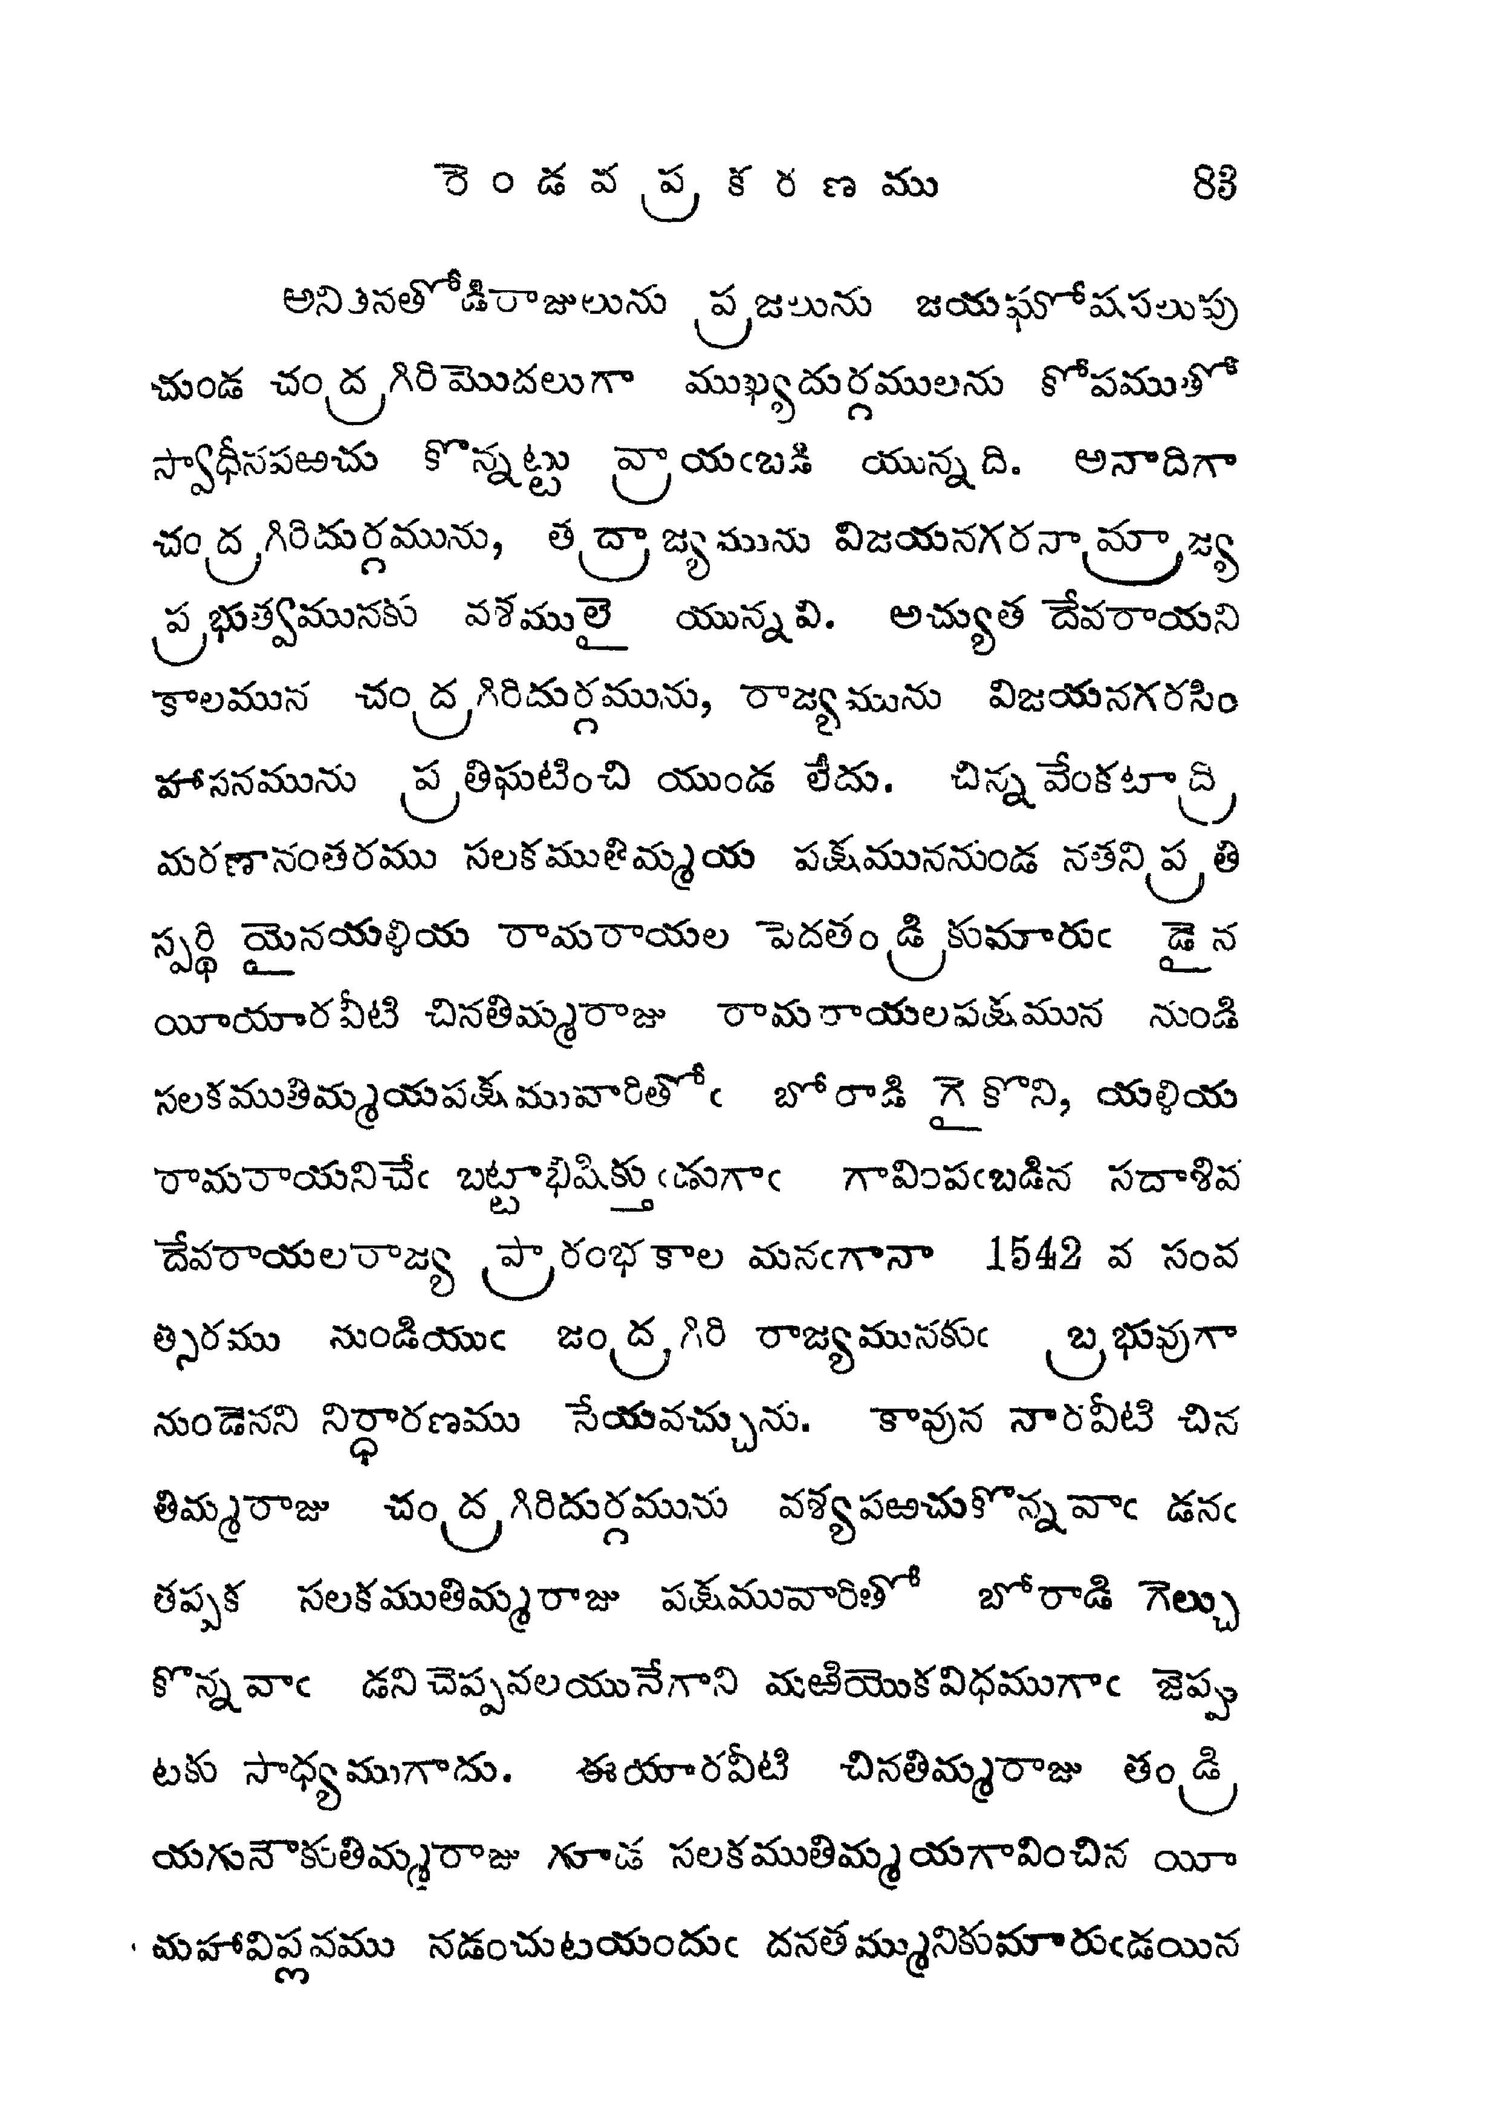అని తనతోడిరాజులును ప్రజలును జయఘోషసలుపుచుండ చంద్రగిరిమొదలుగా ముఖ్యదుర్గములను కోపముతో స్వాధీనపఱచు కొన్నట్టు వ్రాయబడి యున్నది. అనాదిగా చంద్రగిరిదుర్గమును, తద్రాజ్యమును విజయనగరసామ్రాజ్య ప్రభుత్వమునకు వశములై యున్నవి. అచ్యుత దేవరాయని కాలమున చంద్రగిరిదుర్గమును, రాజ్యమును విజయనగరసింహానమును ప్రతిఘటించి యుండ లేదు. చిన్నవేంకటాద్రి మరణానంతరము సలకముతిమ్మయ పక్షముననుండ నతనిప్రతిస్పర్థి యైనయళియ రామరాయల పెదతండ్రికుమారు డైన యీయారవీటి చినతిమ్మరాజు రామరాయలపక్షమున నుండి సలకముతిమ్మయపక్షమువారితో బోరాడి గైకొని, యళియరామరాయనిచే బట్టాభిషిక్తుడుగా గావింపబడిన సదాశివదేవరాయలరాజ్య ప్రారంభకాల మనగానా 1542 వ సంవత్సరము నుండియు జంద్రగిరి రాజ్యమునకు బ్రభువుగా నుండెనని నిర్ధారణము సేయవచ్చును. కావున నారవీటి చినతిమ్మరాజు చంద్రగిరిదుర్గమును వశ్యపఱచుకొన్నవా డన తప్పక సలకముతిమ్మరాజు పక్షమువారితో బోరాడి గెల్చుకొన్నవా డనిచెప్పవలయునేగాని మఱియొకవిధముగా జెప్పుటకు సాధ్యముగాదు. ఈయారవీటి చినతిమ్మరాజు తండ్రియగు నౌకుతిమ్మరాజు గూడ సలకముతిమ్మయగావించిన యీ మహావిప్లవము నడంచుటయందు దనతమ్మునికుమారుడయిన